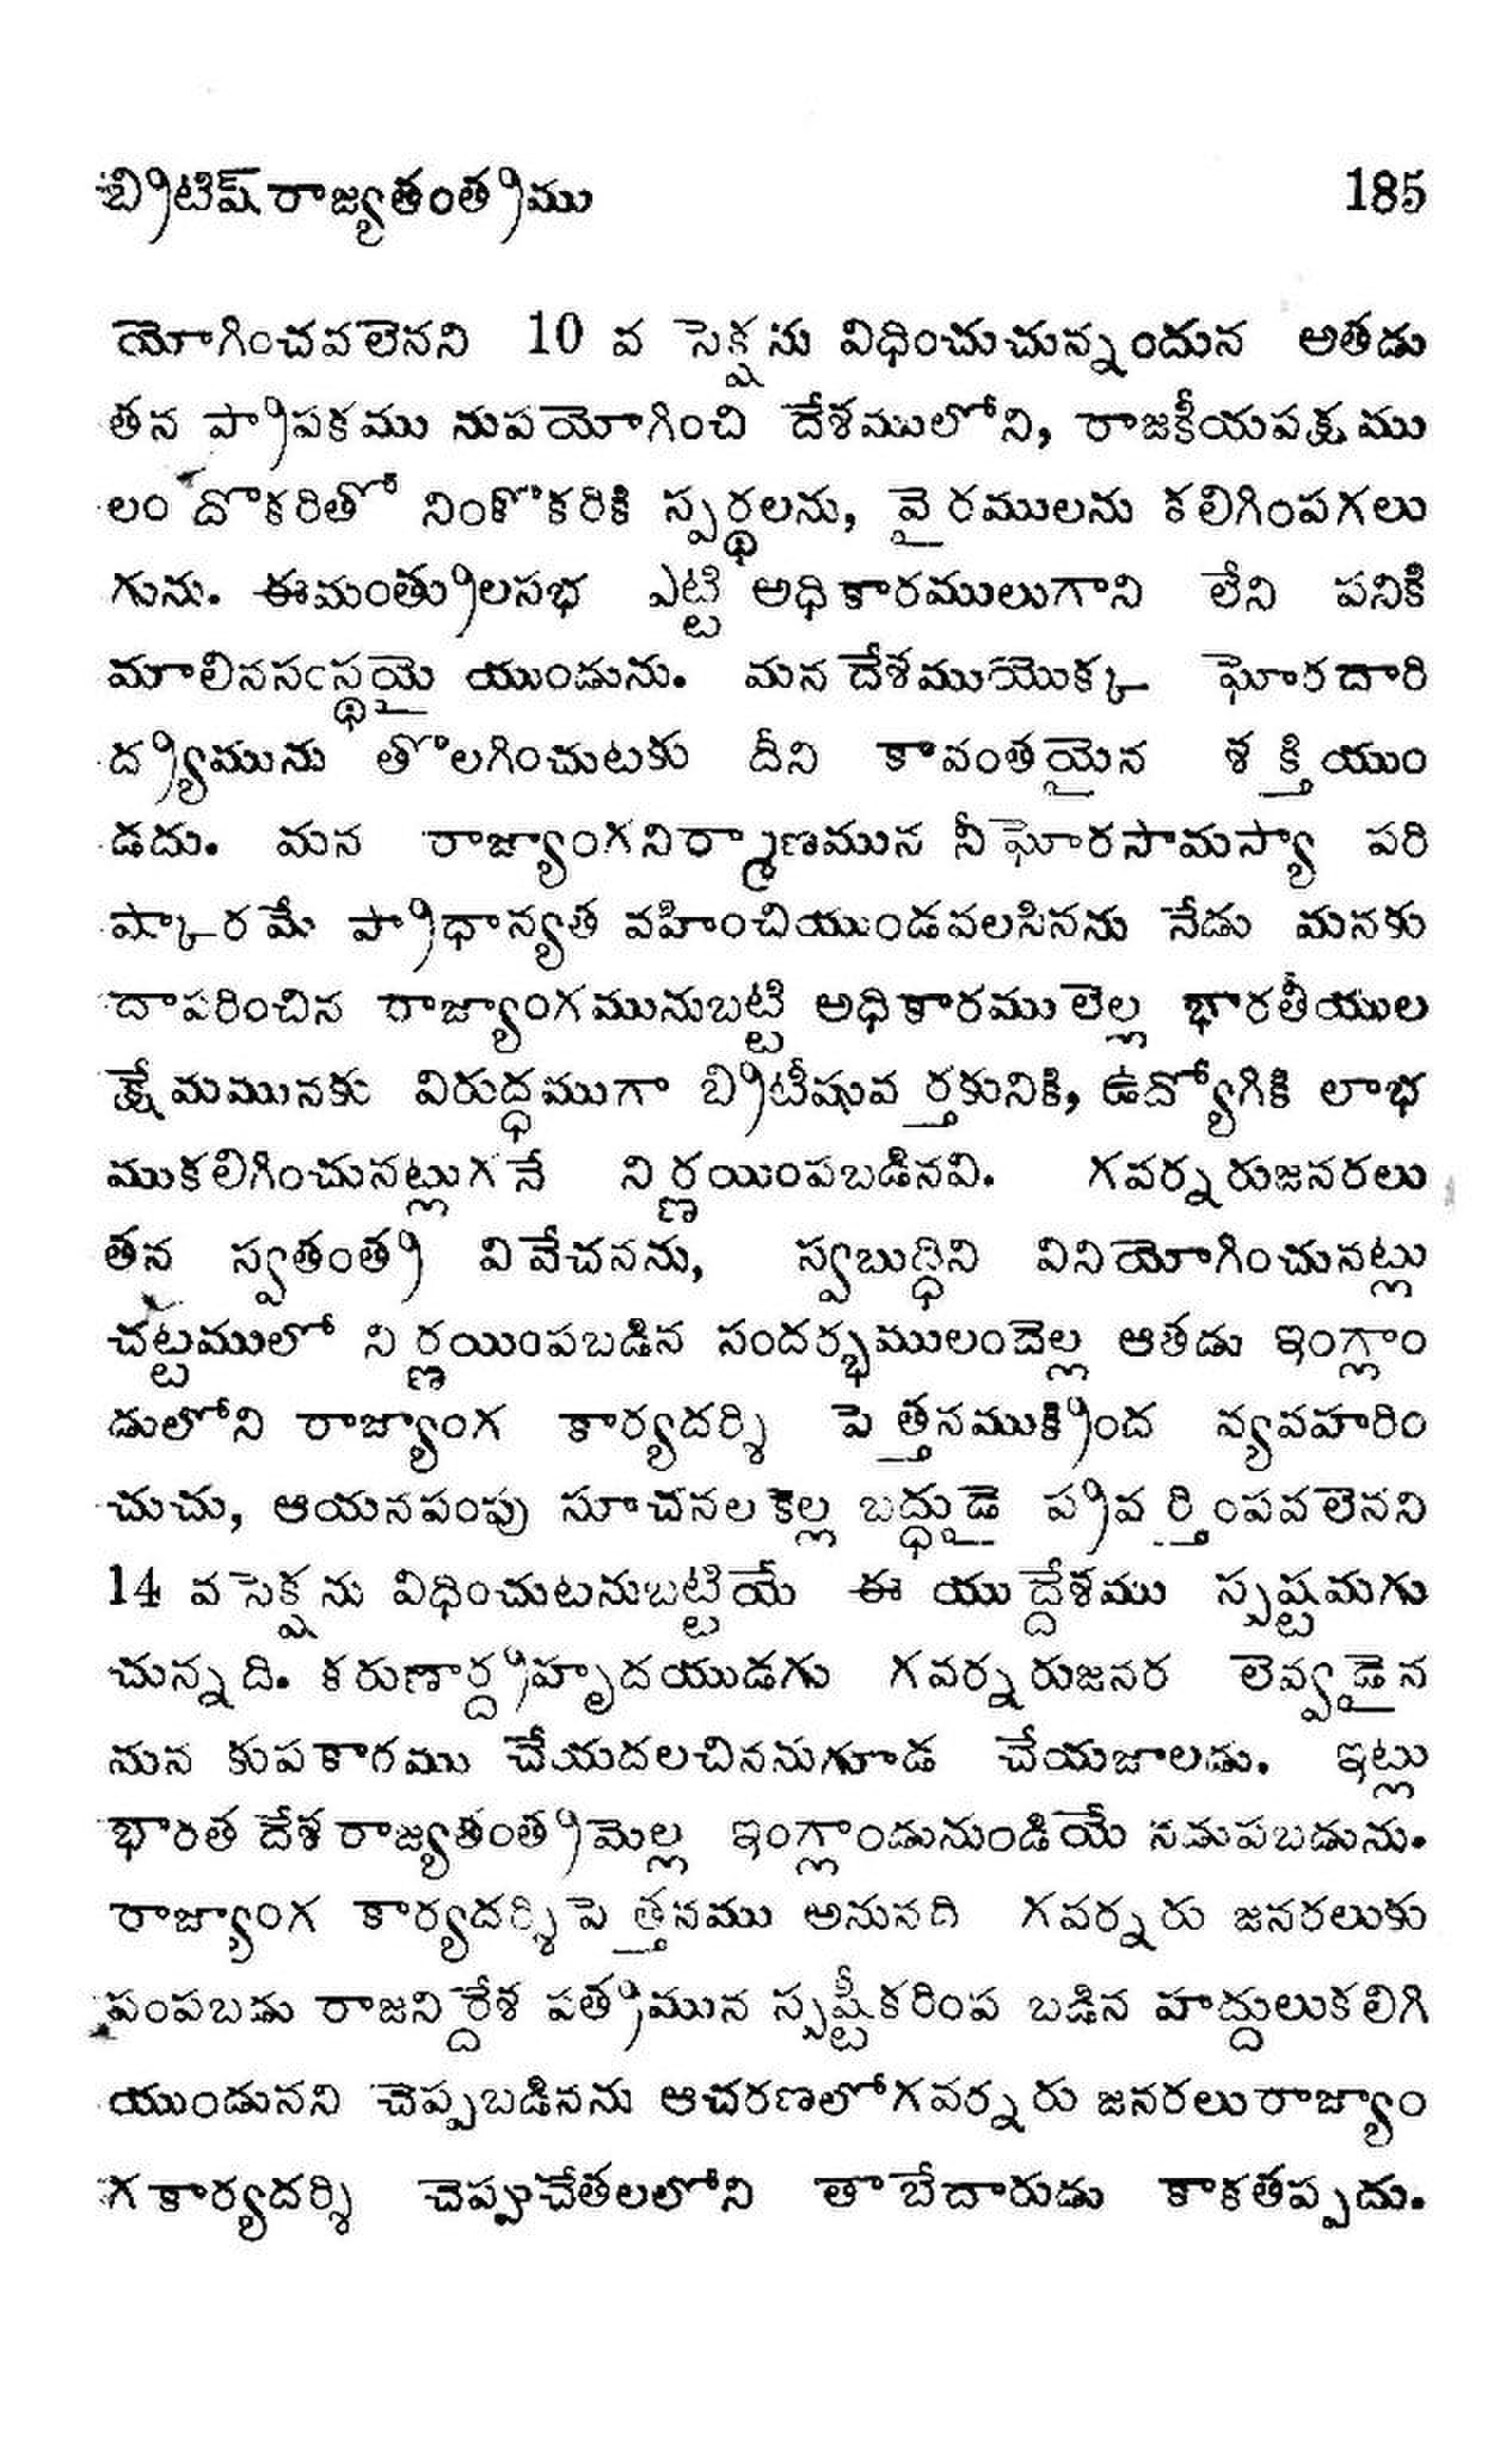యోగించవలెనని 10 వ సెక్షను విధించుచున్నందున అతడు తన ప్రాపకము నుపయోగించి దేశములోని, రాజకీయపక్షములం దొకరితో నింకొకరికి స్పర్దలను, వైరములను కలిగింపగలుగును. ఈమంత్రులసభ ఎట్టి అధికారములుగాని లేని పనికిమాలినసంస్థయై యుండును. మనదేశముయొక్క ఘోరదారిద్ర్యమును తొలగించుటకు దీని కావంతయైన శక్తి యుండదు. మన రాజ్యాంగనిర్మాణమున నీఘోరసామస్యా పరిష్కారమే ప్రాధాన్యత వహించియుండవలసినను నేడు మనకు దాపరించిన రాజ్యాంగమునుబట్టి అధికారములెల్ల భారతీయుల క్షేమమునకు విరుద్దముగా బ్రిటీషువర్తకునికి, ఉద్యోగికి లాభముకలిగించునట్లుగానే నిర్ణయింపబడినవి. గవర్నరుజనరలు తన స్వతంత్ర వివేచనను, స్వబుద్దిని వినియోగించునట్లు చట్టములో నిర్ణయింపబడిన సందర్భములందెల్ల ఆతడు ఇంగ్లాండులోని రాజ్యాంగ కార్యదర్శి పెత్తనముక్రింద వ్యవహరించుచు, ఆయనపంపు సూచనలకెల్ల బద్దుడై ప్రవర్తింపవలెనని 14 వ సెక్షను విధించుటనుబట్టియే ఈ యుద్దేశము స్పష్టమగుచున్నది. కరుణార్ద్రహృదయుడగు గవర్నరుజనర లెవ్వడైన మన కుపకారము చేయదలచిననుగూడ చేయజాలడు. ఇట్లు భారతదేశరాజ్యతంత్రమెల్ల ఇంగ్లాండునుండియే నడుపబడును. రాజ్యాంగ కార్యదర్శి పెత్తనము అనునది గవర్నరు జనరలుకు పంపబడు రాజనిర్దేశ పత్రమున స్పష్టీకరింప బడిన హద్దులుకలిగి యుండునని చెప్పబడినను ఆచరణలోగవర్నరు జనరలురాజ్యాంగకార్యదర్శి చెప్పుచేతలలోని తాబేదారుడు కాకతప్పదు.